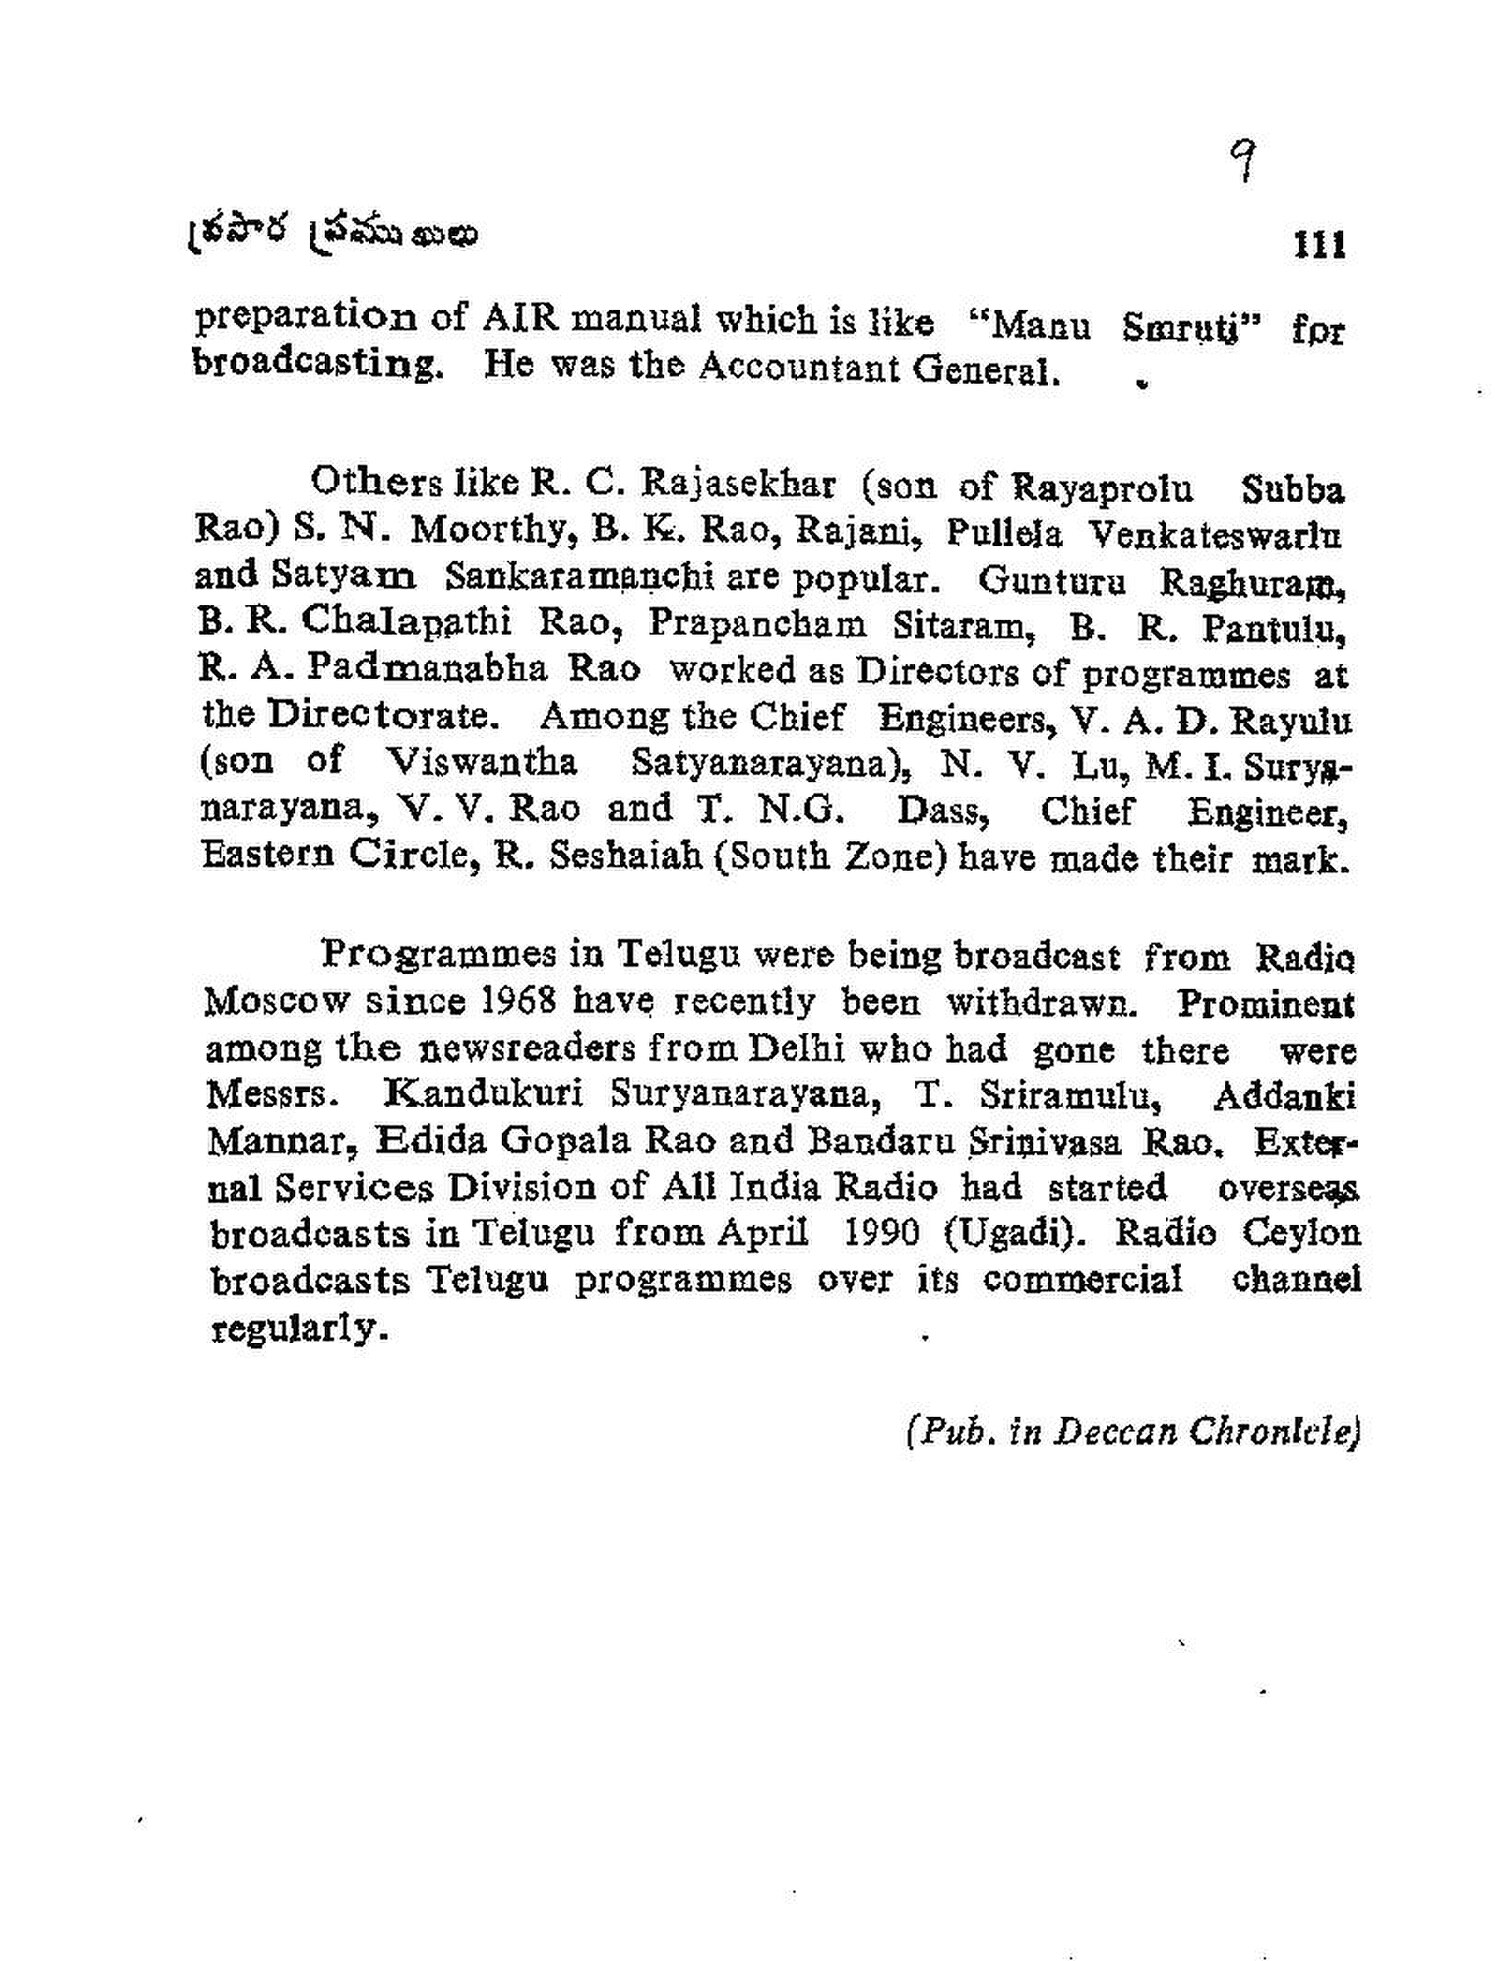preparation of AIR manual which is like "Manu Smruti" for broadcasting. He was the Accountant General.

Others like R. C. Rajasekhar (son of Rayaprolu Subba Rao) S. N. Moorthy, B. K. Rao, Rajani, Pullela Venkateswarln
and Satyata Sankarainanchi are popular. Gunturu Raghuraaj, B. R. Chalappthi Rao, Prapancham Sitaram, B. R.
Pantulu, R. A. Padmanabha Rao worked as Directors of programmes at the Directorate. Among the Chief Engineers, V. A. D. Rayulu (son of Viswantha
Satyanarayana), N. V. Lu, M. I. Suryanarayana, V. V. Rao and T. N.G.
Dass, Engineer, Eastern Circle, R. Seshaiah (South Zone) have made their mark.

Programmes in Telugu were being broadcast from Radio Moscow since 1968 have recently been withdrawn. Prominent
among the newsreaders from Delhi who had gone there were Kandukuri Suryanarayana, T. Sriramulu, Addanki
Mannar, Edida Gopala Rao and Bandaru jSrimvasa Rao, External Services Division of All India Radio had started
overseas broadcasts in Telugu from April 1990 (Ugadi). Radio Ceylon
channel broadcasts Telugu programmes over its commercial channel regularly.

(Pub. in Deccan Chronicle)